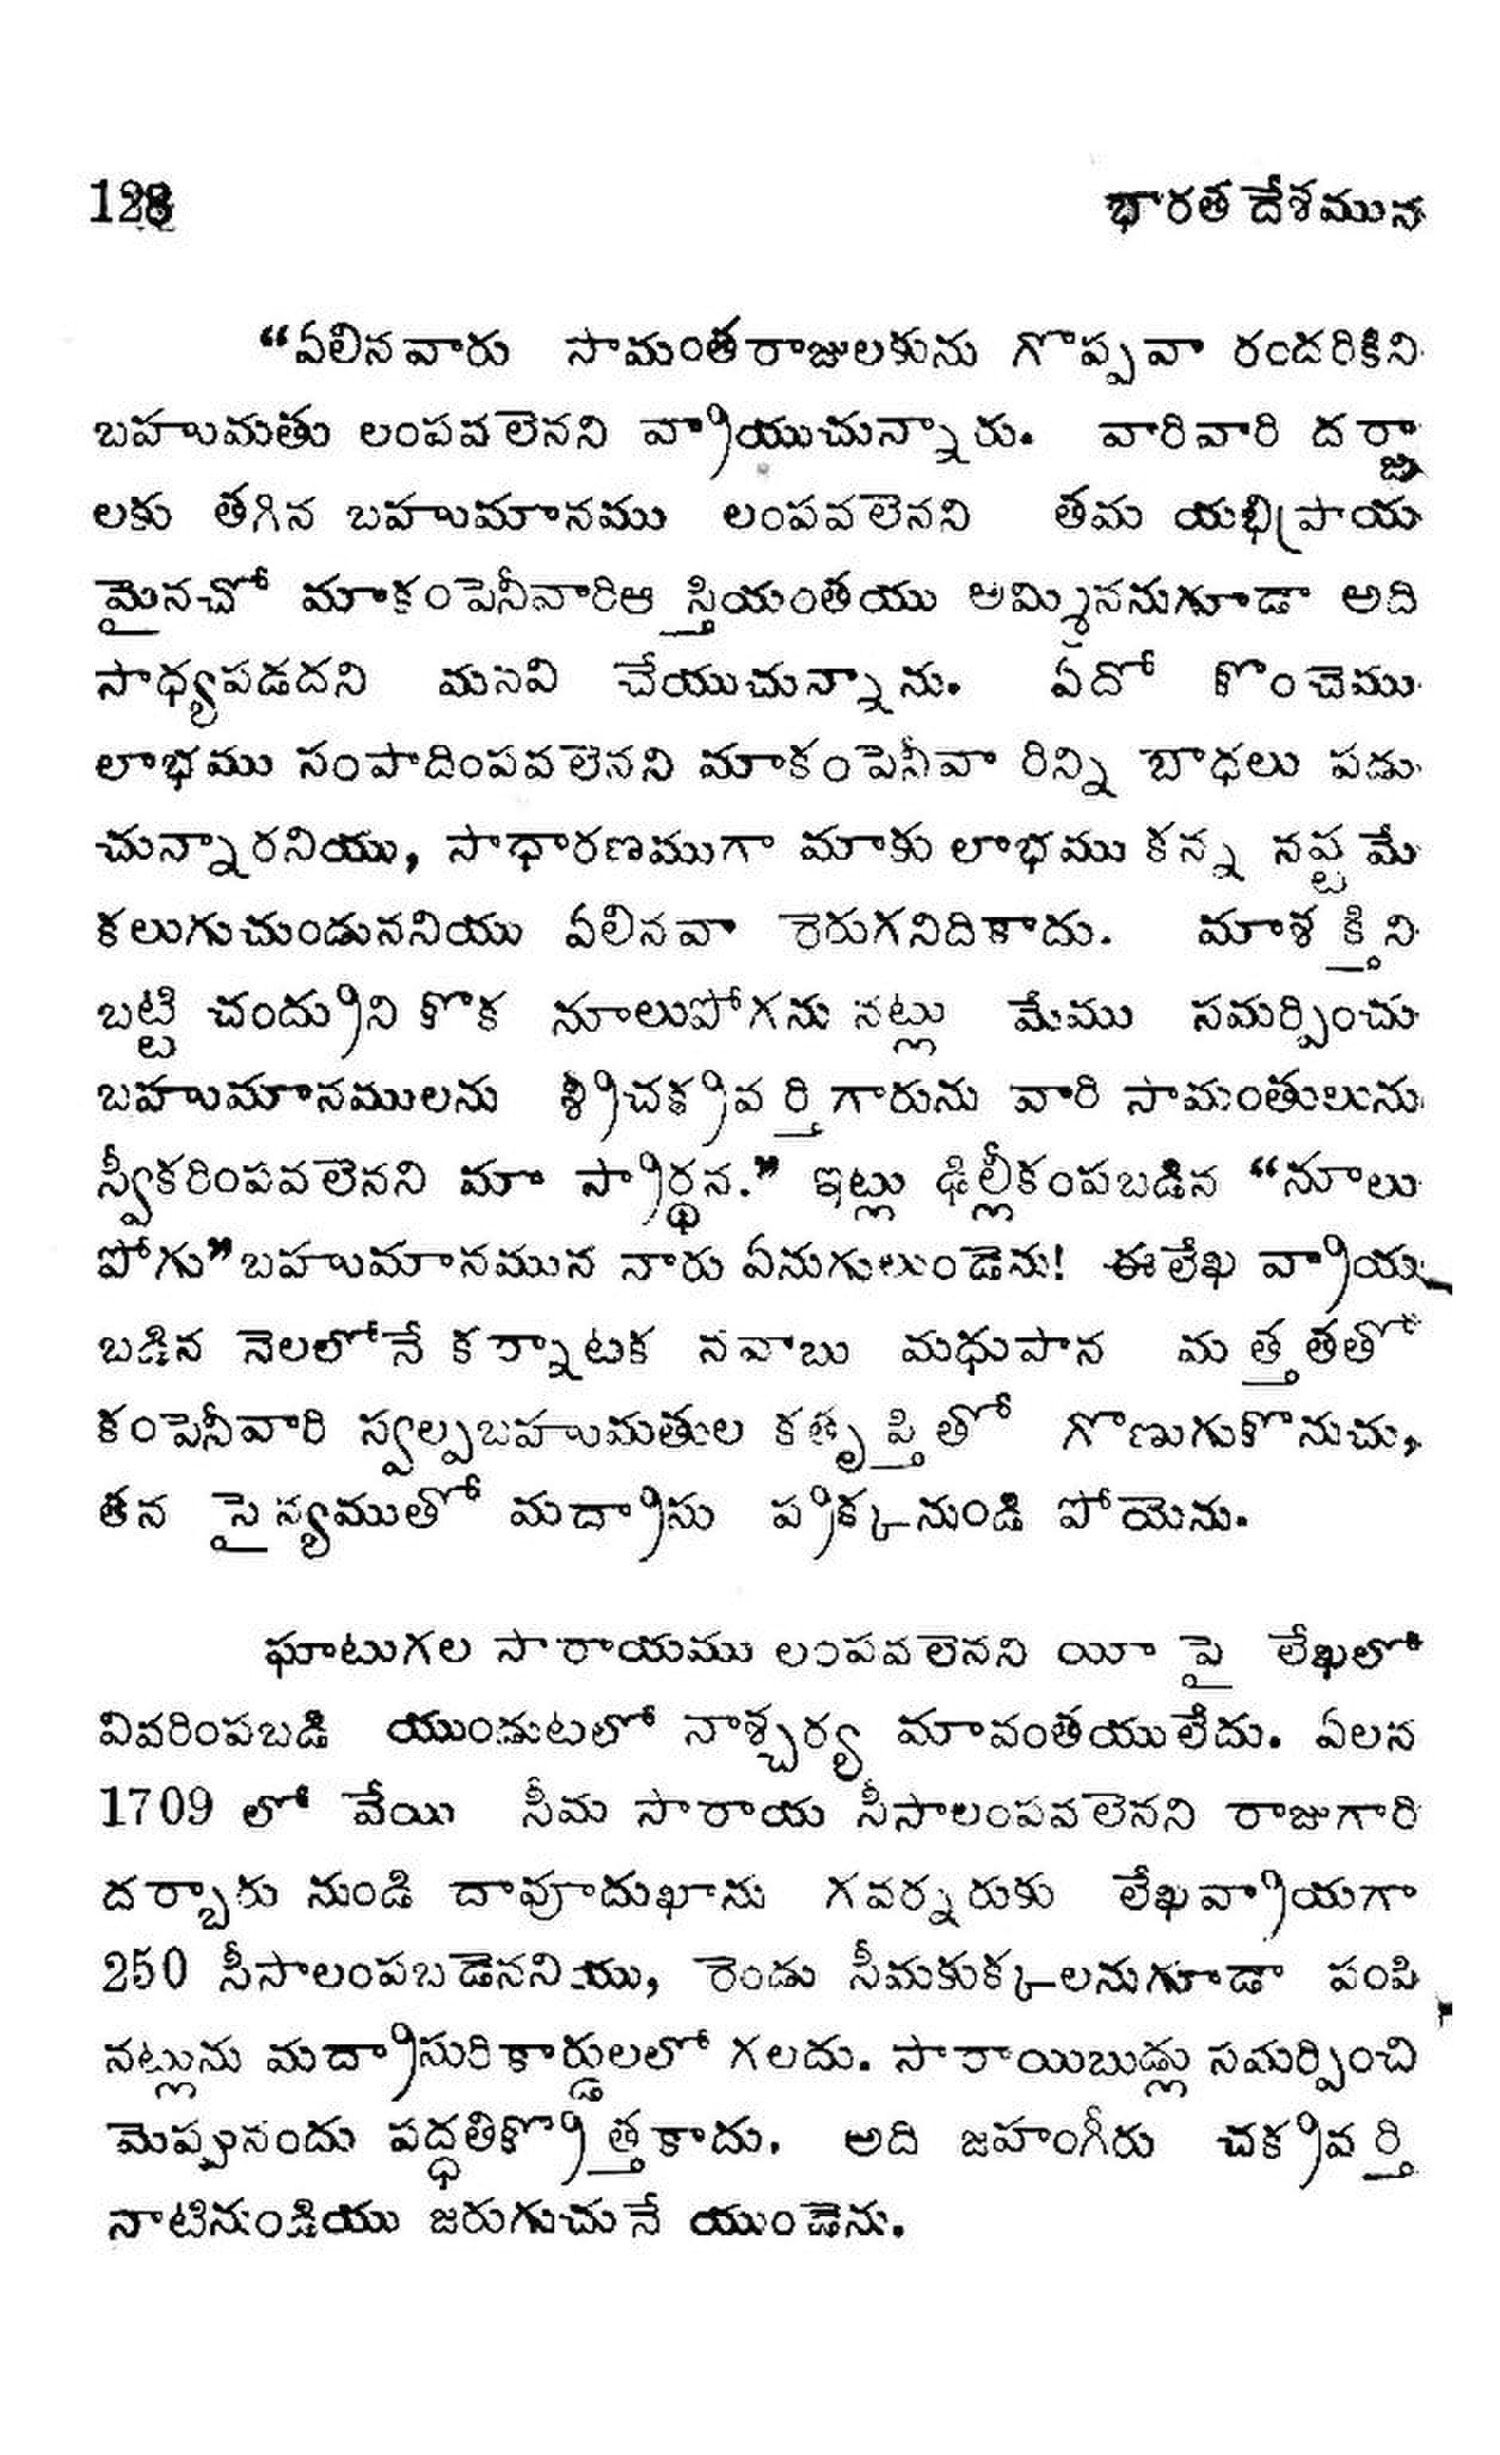“ఏలినవారు సామంతరాజులకును గొప్పవా రందరికిని బహుమతు లంపవలెనని వ్రాయుచున్నారు. వారివారి దర్జాలకు తగిన బహుమానము లంపవలెనని తమ యభిప్రాయమైనచో మాకంపెనీవారిఆస్తియంతయు అమ్మిననుగూడా అది సాధ్యపడదని మనవి చేయుచున్నాను. ఏదో కొంచెము. లాభము సంపాదింపవలెనని మాకంపెనీవా రిన్ని బాధలు పడుచున్నారనియు, సాధారణముగా మాకు లాభము కన్న నష్టమే కలుగుచుండుననియు ఏలినవా రెరుగనిదికాదు. మాశక్తిని బట్టి చంద్రుని కొక నూలుపోగను నట్లు మేము సమర్పించు బహుమానములను శ్రీచక్రవర్తిగారును వారి సామంతులును స్వీకరింపవలెనని మా ప్రార్ధన.” ఇట్లు ఢిల్లీకంపబడిన “నూలుపోగు" బహుమానమున నారు ఏనుగులుండెను! ఈ లేఖ వ్రాయబడిన నెలలోనే కర్నాటక నవాబు మధుపాన మత్తతతో కంపెనీవారి స్వల్పబహుమతుల కతృప్తితో గొణుగుకొనుచు, తన సైన్యముతో మద్రాసు ప్రక్కనుండి పోయెను.

ఘాటుగల సారాయము లంపవలెనని యీ పై లేఖలో వివరింపబడి యుండుటలో నాశ్చర్య మావంతయులేదు. ఏలన 1709 లో వేయి సీమ సారాయ సీసాలంపవలెనని రాజుగారి దర్బారు నుండి దావూదుఖాను గవర్నరుకు లేఖవ్రాయగా 250 సీసాలంపబడెననియు, రెండు సీమకుక్కలనుగూడా పంపినట్లును మద్రాసురికార్డులలో గలదు. సారాయిబుడ్లు సమర్పించి మెప్పునందు పద్దతిక్రొత్తకాదు. అది జహంగీరు చక్రవర్తి నాటినుండియు జరుగుచునే యుండెను.